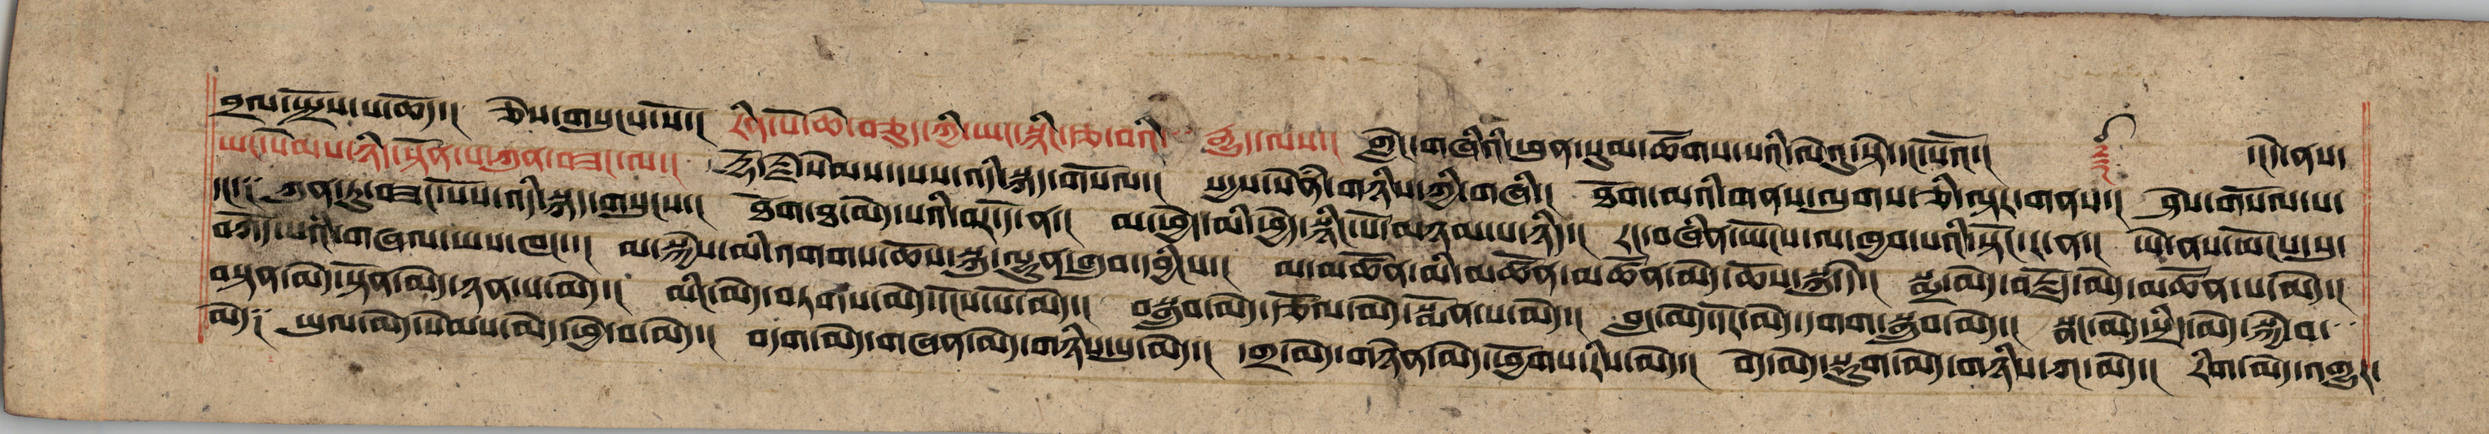བྲལ་སྤྲོས་པ་ཆོད་། ཅེས་གསུངས་སོ་། རིན་པོ་ཆེ་བཅུད་ཀྱི་ཡང་སྙིང་རྩ་བའི་་རྒྱུད་ལས་། གླེང་གཞིའི་ཕུན་སུམ་ཚོགས་པའི་ལེའུ་སྟེ་དང་པོའོ་། ༈ ་།དེ་ནས་
ཡང་སེམས་ཉིད་སྟོན་པ་ཀུན་བཟང་ལ་། རྡོ་རྗེ་སེམས་དཔས་འདི་སྐད་གསོལ་། སདྱས་སེཾན་གཉིས་ཀྱི་གཞི་། ཐོག་མའི་གནས་ལུགས་ཅི་ལྟར་གནས་། ཤེས་གསོལ་པ་
དང། ཀུན་ཏུ་བཟང་པོས་འདི་སྐད་གསུངས་། ཐོག་ཐ་མེད་པའི་བར་དོ་ན་། མ་ཕྱེད་མི་ཕྱེད་སྙིང་པོ་མཉམ་པ་ཉིད་། རང་བཞིན་ཡོངས་ལ་ཁྱབ་པའི་སྟོང་ར་ན་། ཡེ་ནས་ཡོངས་སུ་
བཀོད་པའི་གཞལ་ཡས་ཁང་་། མ་སྐྱེས་མི་འགགས་ཆོས་སྐུ་ལྷུན་གྲུབ་དབྱིངས་། མ་མཚོན་མི་མཚོན་མཚོན་མེད་ཆོས་སྐུ་དེ་། སྨྲ་མེད་བརྗོད་མེད་མཚོན་པ་མེད་།
བསྟན་མེད་སྟོན་མེད་ཉན་པ་མེད་། མིང་མེད་བཏགས་མེད་དངོས་པོ་མེད་། བསྒྲུབ་མེད་རྩོལ་མེད་སྨོན་པ་མེད་། བླང་མེད་དོར་མེད་དགག་སྒྲུབ་མེད་། སྣང་མེད་སྲིད་མེད་སྐྱེ་བ་
མེད༑ ཡུལ་མེད་སེམས་མེད་ཕྱེ་བ་མེད་། བདག་མེད་གཞན་མེད་གཉིས་སུ་མེད་། དགྲ་མེད་གཉེན་མེད་ཕྱོགས་རིས་མེད་། བདེ་མེད་སྡུག་མེད་གཉིས་ཀ་མེད་། རིག་མེད་འགྱུར་